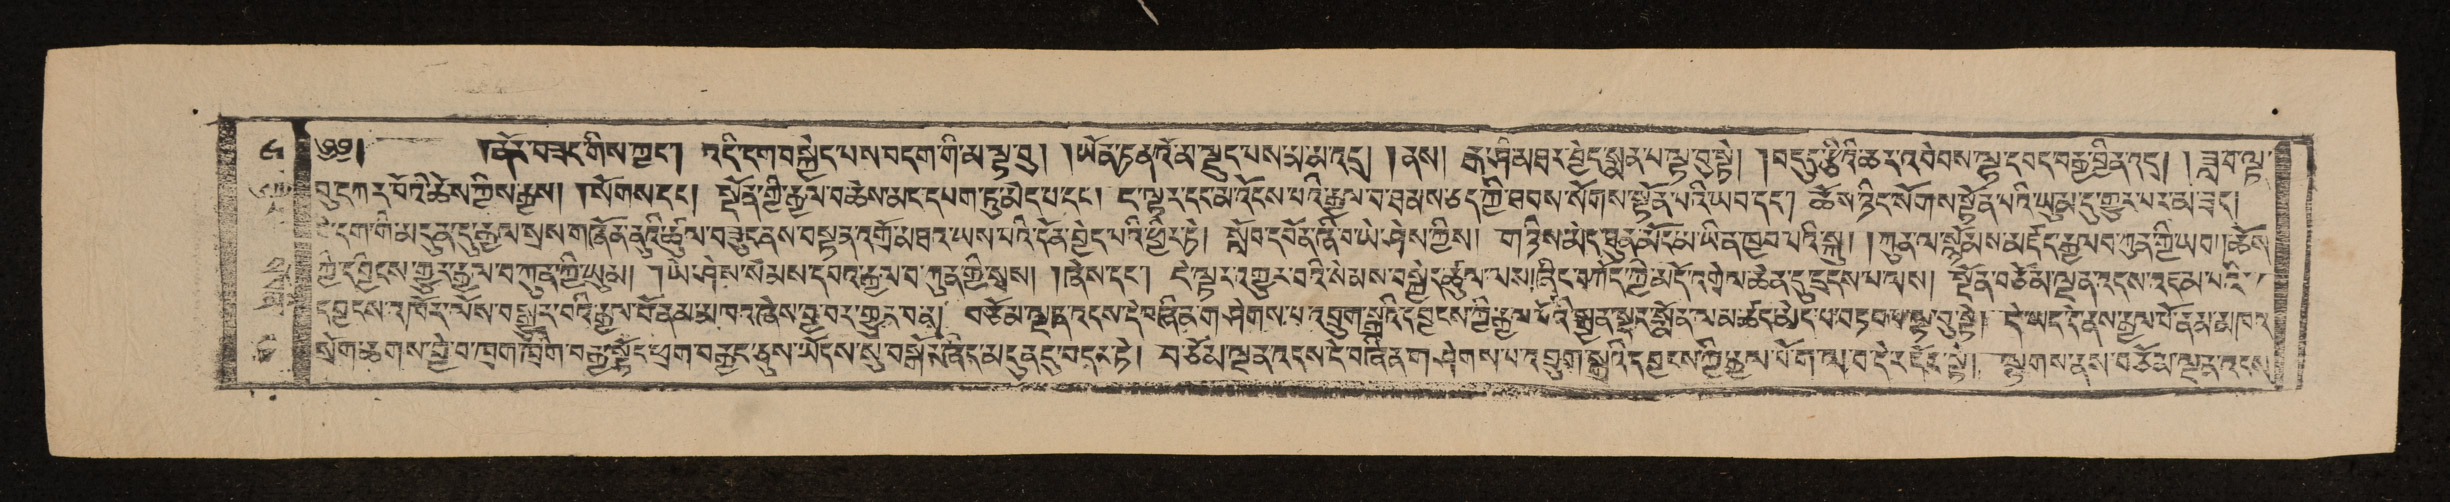༄༅། །ནོར་བཟང་གིས་ཀྱང་། འདི་དག་བསྐྱེད་པས་བདག་གི་མ་ལྟ་བུ། །ཡོན་ཏན་འོ་མ་ལྡུད་པས་མ་མ་འདྲ། །ནས། རྒ་ཤི་མཐར་བྱེད་སྨན་པ་ལྟ་བུ་སྟེ། །བདུད་རྩིའི་ཆར་འབེབས་ལྷ་དབང་བརྒྱ་བྱིན་འདྲ། །ཟླ་བ་ལྟ་
བུ་དཀར་པོའི་ཆོས་ཀྱིས་རྒྱས། །སོགས་དང་། སྔོན་གྱི་རྒྱལ་བ་ཆེས་མང་དཔག་ཏུ་མེད་པ་དང་། ད་ལྟར་དང་མ་འོངས་པའི་རྒྱལ་བ་ཐམས་ཅད་ཀྱི་ཐབས་སོགས་སྟོན་པའི་ཡབ་དང་། ཆོས་ཉིད་སོགས་སྟོན་པའི་ཡུམ་དུ་གྱུར་པར་མ་ཟད།
དེ་དག་གི་མདུན་དུ་རྒྱལ་སྲས་གཞོན་ནུའི་ཚུལ་བཟུང་ནས་བསྟན་འགྲོ་མཐའ་ཡས་པའི་དོན་བྱེད་པའི་ཕྱིར་ཏེ། སློབ་དཔོན་ཞི་བ་ཡེ་ཤེས་ཀྱིས། གཉིས་མེད་ཐུན་མོང་མ་ཡིན་ཁྱབ་པའི་སྐུ། །ཀུན་ལ་སྙོམས་མཛད་རྒྱལ་བ་ཀུན་གྱི་ཡབ། །ཆོས་
ཀྱི་དབྱིངས་གྱུར་རྒྱལ་བ་ཀུན་ཀྱི་ཡུམ། །ཡེ་ཤེས་སེམས་དཔའ་རྒྱལ་བ་ཀུན་གྱི་སྲས། །ཞེས་དང་། དེ་ལྟར་འགྱུར་བའི་སེམས་བསྐྱེད་ཚུལ་ལས། ཞིང་བཀོད་ཀྱི་མདོ་འགྲེལ་ཆེན་དུ་དྲངས་པ་ལས། སྔོན་བཅོམ་ལྡན་འདས་འཇམ་པའི་
དབྱངས་འཁོར་ལོས་བསྒྱུར་བའི་རྒྱལ་པོ་ནམ་མཁའ་ཞེས་བྱ་བར་གྱུར་པ་ན། བཅོམ་ལྡན་འདས་དེ་བཞིན་གཤེགས་པ་འབྲུག་སྒྲའི་དབྱངས་ཀྱི་རྒྱལ་པོའི་སྤྱན་སྔར་སྨོན་ལམ་ཚད་མེད་པ་བཏབ་པ་ལྟ་བུ་སྟེ། དེ་ཡང་དེ་ནས་རྒྱལ་པོ་ནམ་མཁའ་
སྲོག་ཆགས་བྱེད་བ་ཁྲག་ཁྲིག་བརྒྱ་སྟོང་ཕྲག་བརྒྱད་ཅུས་ཡོངས་སུ་བསྐོར་ཞིང་མདུན་དུ་བདར་ཏེ། བཅོམ་ལྡན་འདས་དེ་བཞིན་གཤེགས་པ་འབྲུག་སྒྲའི་དབྱངས་ཀྱི་རྒྱལ་པོ་ག་ལ་བ་དེར་དོང་སྟེ། ལྷགས་ནས་བཅོམ་ལྡན་འདས་